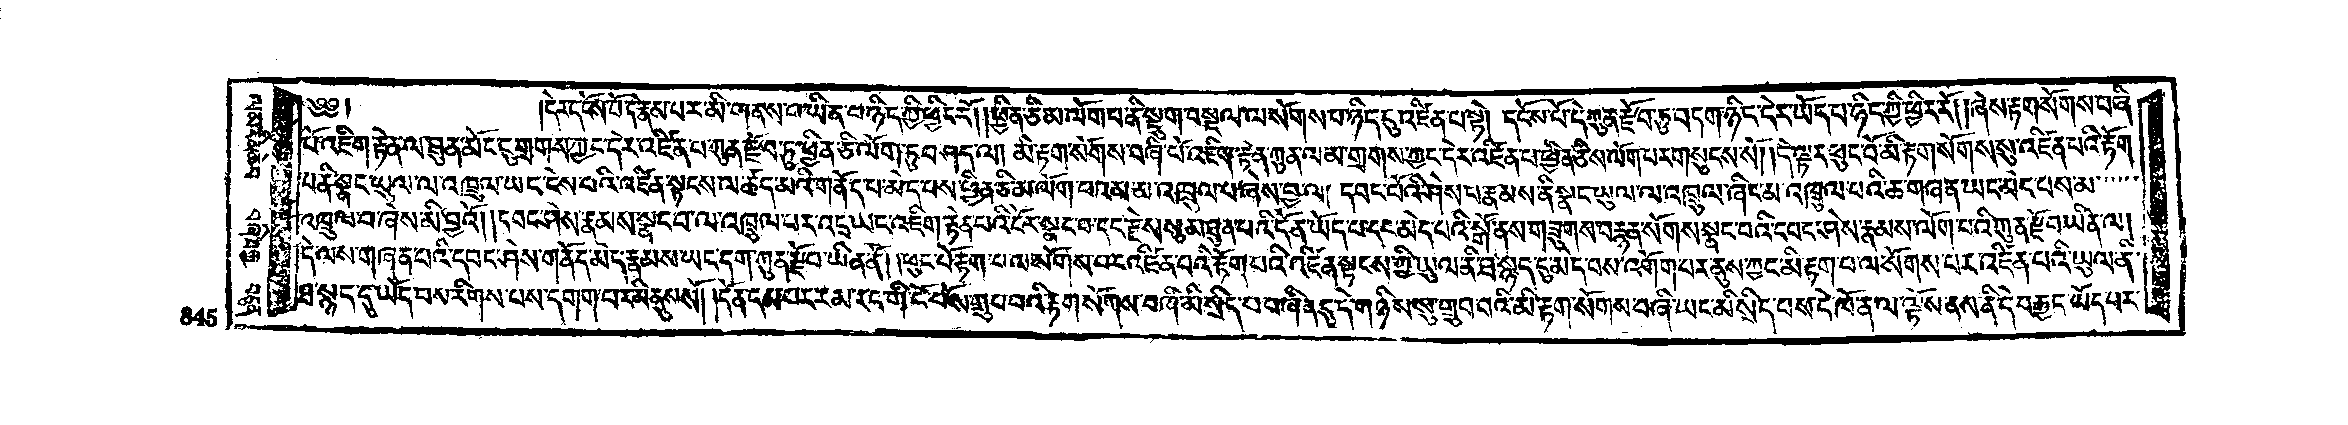༄༅། །དེར་དངོས་པོ་དེ་རྣམ་པར་མི་གནས་པ་ཡིན་པ་ཉིད་ཀྱི་ཕྱིར་རོ། །ཕྱིན་ཅི་མ་ལོག་པ་ནི་སྡུག་བསྔལ་ལ་སོགས་པ་ཉིད་དུ་འཛིན་པ་སྟེ། དངོས་པོ་དེ་ཀུན་རྫོབ་ཏུ་བདག་ཉིད་དེར་ཡོད་པ་ཉིད་ཀྱི་ཕྱིར་རོ། །ཞེས་རྟག་སོགས་བཞི་
པོ་འཇིག་རྟེན་ལ་ཐུན་མོང་དུ་གྲགས་ཀྱང་དེར་འཛིན་པ་ཀུན་རྫོབ་ཏུ་ཕྱིན་ཅི་ལོག་ཏུ་བཤད་ལ། མི་རྟག་སོགས་བཞི་པོ་འཇིག་རྟེན་ཀུན་ལ་མ་གྲགས་ཀྱང་དེར་འཛིན་པ་ཕྱིན་ཅི་མ་ལོག་པར་གསུངས་སོ། །དེ་ལྟར་ཕུང་པོ་མི་རྟག་སོགས་སུ་འཛིན་པའི་རྟོག་
པ་ནི་སྣང་ཡུལ་ལ་འཁྲུལ་ཡང་ངེས་པའི་འཛིན་སྟངས་ལ་ཚད་མའི་གནོད་པ་མེད་པས་ཕྱིན་ཅི་མ་ལོག་པའམ་མ་འཁྲུལ་བ་ཞེས་བྱ་ལ། དབང་པོའི་ཤེས་པ་རྣམས་ནི་སྣང་ཡུལ་ལ་འཁྲུལ་ཞིང་མ་འཁྲུལ་བའི་ཆ་གཞན་ཡང་མེད་པས་མ་
འཁྲུལ་བ་ཞེས་མི་བྱའོ། །དབང་ཤེས་རྣམས་སྣང་བ་ལ་འཁྲུལ་བར་འདྲ་ཡང་འཇིག་རྟེན་པའི་ངོར་སྣང་བ་དང་རྗེས་སུ་མཐུན་པའི་དོན་ཡོད་པ་དང་མེད་པའི་སྒོ་ནས་གཟུགས་བརྙན་སོགས་སྣང་བའི་དབང་ཤེས་རྣམས་ལོག་པའི་ཀུན་རྫོབ་ཡིན་ལ།
དེ་ལས་གཞན་པའི་དབང་ཤེས་གནོད་མེད་རྣམས་ཡང་དག་ཀུན་རྫོབ་ཡིན་ནོ། །ཕུང་པོ་རྟག་པ་ལ་སོགས་པར་འཛིན་པའི་རྟོག་པའི་འཛིན་སྟངས་ཀྱི་ཡུལ་ནི་ཐ་སྙད་དུ་མེད་པས་འགོག་པར་ནུས་ཀྱང་མི་རྟག་པ་ལ་སོགས་པར་འཛིན་པའི་ཡུལ་ནི་
ཐ་སྙད་དུ་ཡོད་པས་རིགས་པས་དགག་པར་མི་ནུས་སོ། །དོན་དམ་པར་རམ་རང་གི་ངོ་བོས་གྲུབ་པའི་རྟག་སོགས་བཞི་མི་སྲིད་པ་བཞིན་དུ་དེ་གཉིས་སུ་གྲུབ་པའི་མི་རྟག་སོགས་བཞི་ཡང་མི་སྲིད་པས་དེ་ཁོ་ན་ལ་ལྟོས་ནས་ནི་དེ་བརྒྱད་ཡོད་པར་